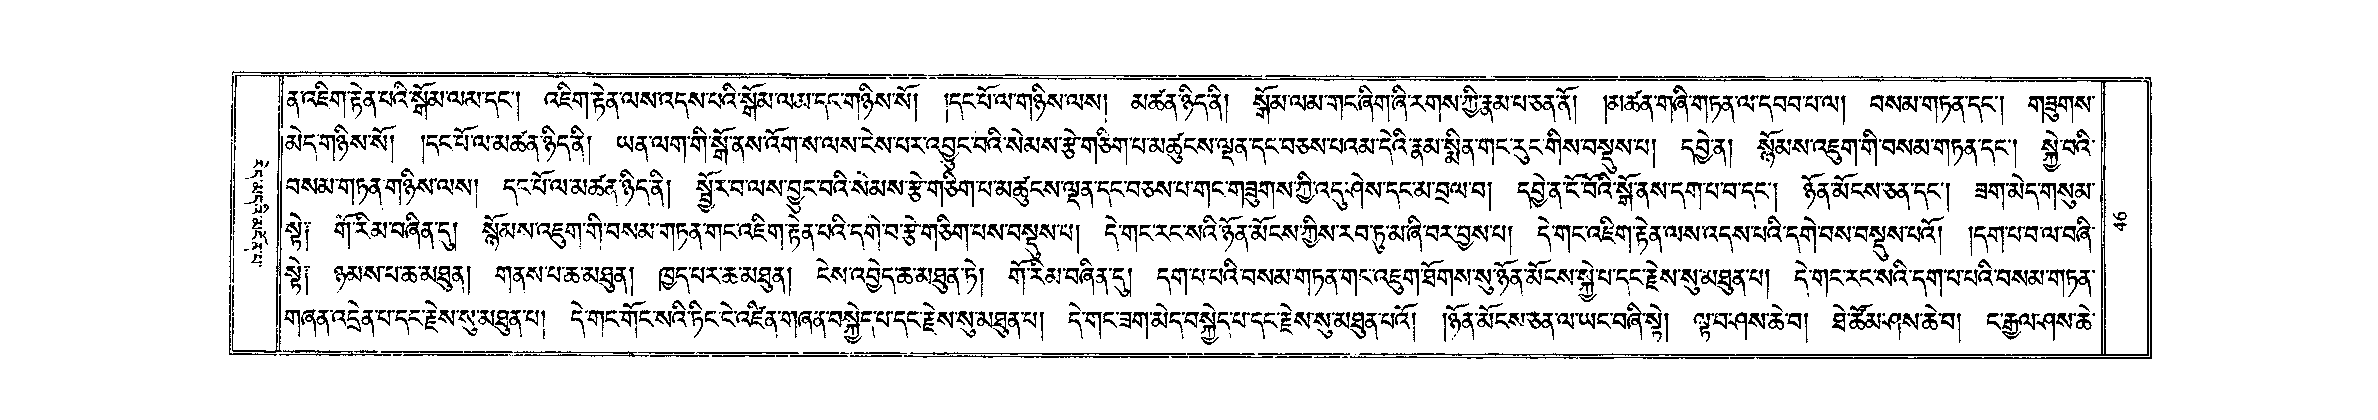ན་འཇིག་རྟེན་པའི་སྒོམ་ལམ་དང་། འཇིག་རྟེན་ལས་འདས་པའི་སྒོམ་ལམ་དང་གཉིས་སོ། །དང་པོ་ལ་གཉིས་ལས། མཚན་ཉིད་ནི། སྒོམ་ལམ་གང་ཞིག་ཞི་རགས་ཀྱི་རྣམ་པ་ཅན་ནོ། །མཚན་གཞི་གཏན་ལ་དབབ་པ་ལ། བསམ་གཏན་དང་། གཟུགས་
མེད་གཉིས་སོ། །དང་པོ་ལ་མཚན་ཉིད་ནི། ཡན་ལག་གི་སྒོ་ནས་འོག་ས་ལས་ངེས་པར་འབྱུང་བའི་སེམས་རྩེ་གཅིག་པ་མཚུངས་ལྡན་དང་བཅས་པའམ་དེའི་རྣམ་སྨིན་གང་རུང་གིས་བསྡུས་པ། དབྱེ་ན། སྙོམས་འཇུག་གི་བསམ་གཏན་དང་། སྐྱེ་བའི་
བསམ་གཏན་གཉིས་ལས། དང་པོ་ལ་མཚན་ཉིད་ནི། སྦྱོར་བ་ལས་བྱུང་བའི་སེམས་རྩེ་གཅིག་པ་མཚུངས་ལྡན་དང་བཅས་པ་གང་གཟུགས་ཀྱི་འདུ་ཤེས་དང་མ་བྲལ་བ། དབྱེ་ན་ངོ་བོའི་སྒོ་ནས་དག་པ་བ་དང་། ཉོན་མོངས་ཅན་དང་། ཟག་མེད་གསུམ་
སྟེ༑ གོ་རིམ་བཞིན་དུ། སྙོམས་འཇུག་གི་བསམ་གཏན་གང་འཇིག་རྟེན་པའི་དགེ་བ་རྩེ་གཅིག་པས་བསྡུས་པ། དེ་གང་རང་སའི་ཉོན་མོངས་ཀྱིས་རབ་ཏུ་མ་ཞི་བར་བྱས་པ། དེ་གང་འཇིག་རྟེན་ལས་འདས་པའི་དགེ་བས་བསྡུས་པའོ། །དག་པ་བ་ལ་བཞི་
སྟེ༑ ཉམས་པ་ཆ་མཐུན། གནས་པ་ཆ་མཐུན། ཁྱད་པར་ཆ་མཐུན། ངེས་འབྱེད་ཆ་མཐུན་ཏེ། གོ་རིམ་བཞིན་དུ། དག་པ་པའི་བསམ་གཏན་གང་འཇུག་ཐོགས་སུ་ཉོན་མོངས་སྐྱེ་པ་དང་རྗེས་སུ་མཐུན་པ། དེ་གང་རང་སའི་དག་པ་པའི་བསམ་གཏན་
གཞན་འདྲེན་པ་དང་རྗེས་སུ་མཐུན་པ། དེ་གང་གོང་སའི་ཏིང་ངེ་འཛིན་གཞན་བསྐྱེད་པ་དང་རྗེས་སུ་མཐུན་པ། དེ་གང་ཟག་མེད་བསྐྱེད་པ་དང་རྗེས་སུ་མཐུན་པའོ། །ཉོན་མོངས་ཅན་ལ་ཡང་བཞི་སྟེ། ལྟ་བ་ཤས་ཆེ་བ། ཐེ་ཚོམ་ཤས་ཆེ་བ། ང་རྒྱལ་ཤས་ཆེ་